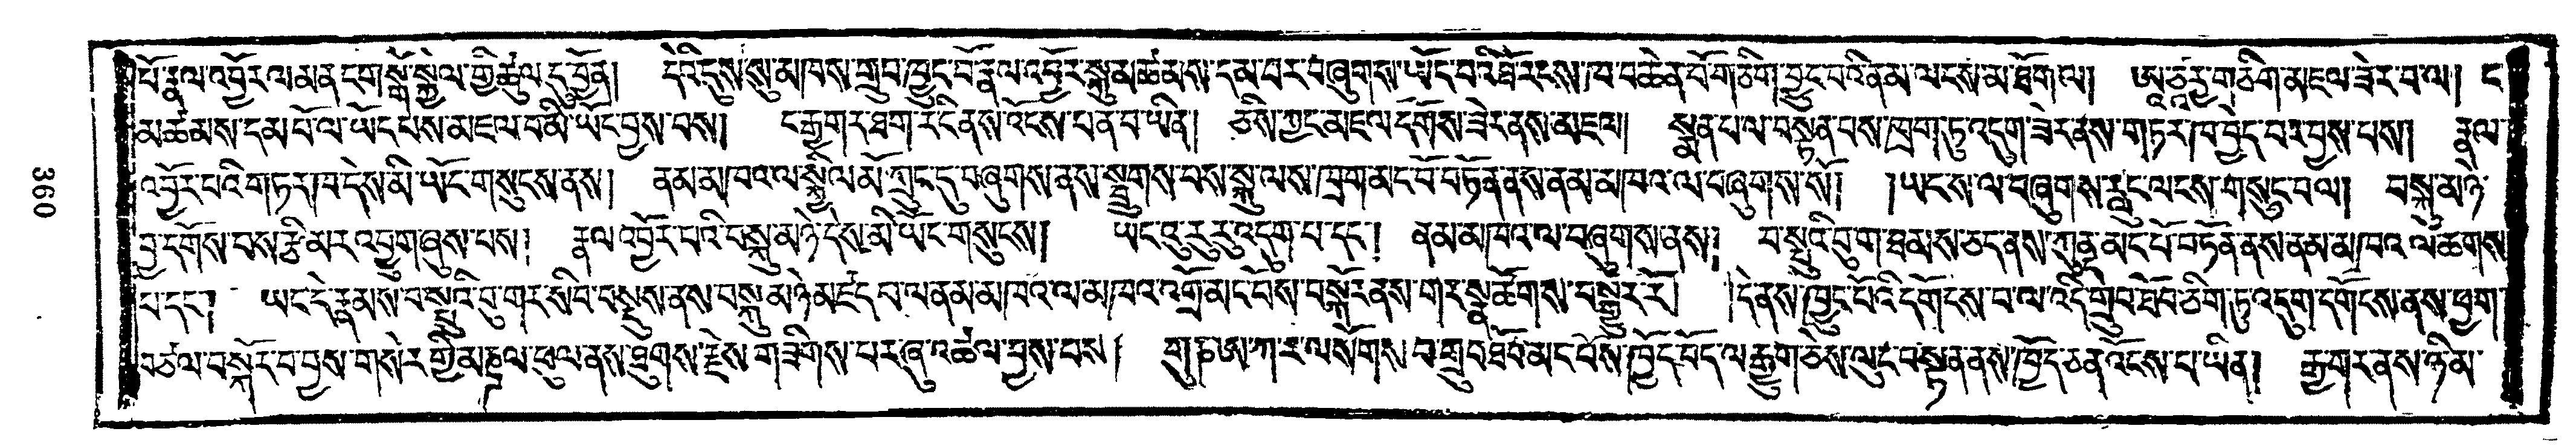པོ་རྣལ་འབྱོར་ལ་མན་ངག་སྒོ་སྐྱེལ་གི་ཚུལ་དུ་བྱོན། དེའི་དུས་སུ་མཁས་གྲུབ་ཁྱུང་བོ་རྣལ་འབྱོར་སྐུ་མཚམས་དམ་བར་བཞུགས་ཡོད་བའི་ཐོ་རངས་ཁ་བ་ཆེན་པོ་གཅིག་བྱུང་བའི་ནམ་ལངས་མ་ཐོག་ལ། ཨཱ་ཙཱ་རྱ་གཅིག་མཇལ་ཟེར་བ་ཨ། ང་
མཚམས་དམ་པོ་ལ་ཡོད་བས་མཇལ་བ་མི་ཡོང་བྱས་བས། ང་རྒྱ་གར་ར་ངེ་ནས་འོངས་པ་ན་བ་ཡིན། ཅིས་ཀྱང་མཇལ་དགོས་ཟེར་ནས་འཇལ། སྨན་པ་ལ་བསྟན་པས་ཁྲག་ཏུ་འཇུག་ཟེར་ནས་གཏར་ཁ་བྱེད་བར་བྱས་པས། རྣལ་
འབྱོར་བའི་གཏར་ཁ་དེས་མི་ཡོངས་གསུངས་ནས། ནམ་མཁའ་ལ་སྐྱིལ་མོ་ཀྲུང་དུ་བཞུགས་ནས་བསྲུགས་པས་སྐུ་ལས་ཁྲག་མང་པོ་བཏོན་ནས་ནམ་མཁའ་ལ་བཞུགས་སོ། །ཡངས་ལ་བཞུགས་རླང་ལངས་གསུང་བ་ལ། བསྐུ་མཉེ་
བྱ་དགོས་བས་རྩི་མར་འབྱུག་ཞུས་པས། རྣལ་འབྱོར་པའི་བསྐུ་མཉེ་དེས་མི་ཡོངས་གསུངས། ཡང་འུ་རུ་རུ་འདུག་པ་དང་། ནམ་མཁའ་ལ་འབྮུགས་ནས། བ་སྤུའི་བུ་ག་ཐམས་ཅད་ནས་ཀུ་ནད་མནང་པོ་བསྟན་ནས་ནམ་མཁའ་ལ་ཆགས་
པ་དང་། ཡང་དེ་རྣམས་བ་སྤུའི་བུ་གར་སིབ་བསྡུས་ནས་བསྐུ་མཉེ་མཛད་པ་ལ་ནམ་མཁའ་ལ་མཁའ་འགྲོ་མང་པོས་བསྐོར་ནས་གར་སྣ་ཚོགས་བསྒྱུར་རོ། །དེ་ནས་ཁྱུང་པོའི་དགོངས་པ་ལ་འདི་གྲུབ་ཐོབ་ཅིག་ཏུ་འདུག་དགོངས་ནས་ཕྱག་
བཙལ་བསྐོར་བ་བྱས་གསེར་གྱི་མཎྜལ་ཕུལ་ནས་ཐུགས་རྗེས་གཟིགས་བར་ཞུ་འཚལ་བྱས་བས། གུཎ་ཨ་ཀ་ར་ལ་སོགས་བ་གྲུབ་ཐོབ་མང་བོས་ཁྱོད་བོད་ལ་རྒྱུ་གཅེས་ལུང་བསྟན་ནས་ཁྱོད་ཅན་འོངས་པ་ཡིན། རྒྱ་གར་ནས་ཉི་མ་